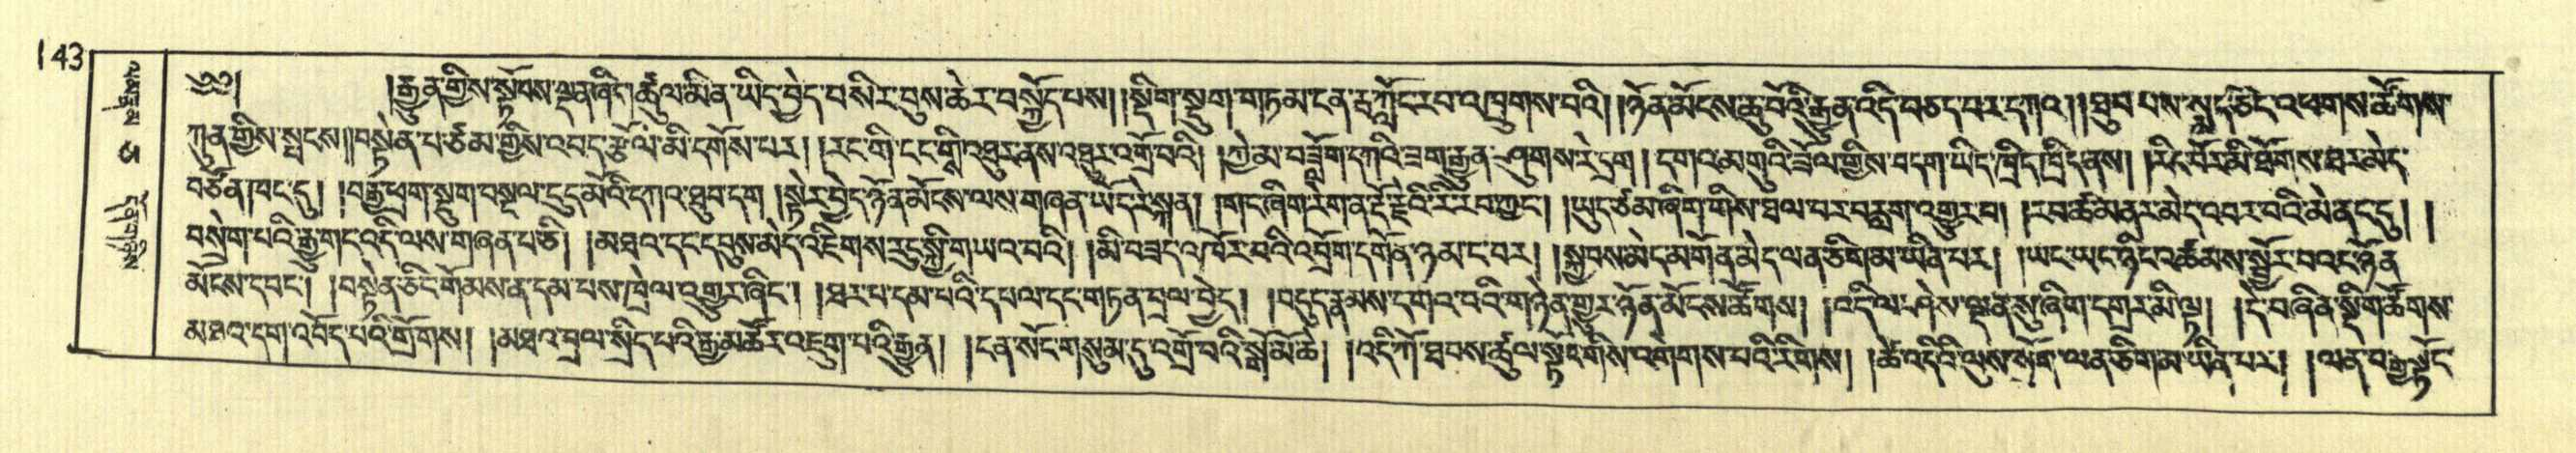༄༅། །རྒྱུན་གྱིས་སྟོབས་ལྡན་ཞིག་ཚུལ་མིན་ཡིད་བྱེད་བསིར་བུས་ཆེར་བསྐྱོད་པས། །སྡིག་སྡུག་གཏམ་ངན་རྦ་ཀློང་རབ་འཁྲུགས་པའི། །ཉོན་མོངས་ཆུ་བོའི་རྒྱུན་འདི་བཅད་བར་དཀའ། །ཐུབ་པས་སྨད་ཅིང་འཕགས་ཚོགས་
ཀུན་གྱིས་སྤངས། །བསྟེན་པ་ཙམ་གྱིས་འབད་རྩོ་ལ་མི་དགོས་པར། རང་གི་ངང་གིས་འཐུར་ནས་འཐུར་འགྲོ་བའི། །ཀྱེ་མ་བཟློག་དཀའི་ཟག་རྒྱུན་ཤུགས་རེ་དྲག། དགའ་མགུའི་ཟོལ་གྱིས་བདག་ཡིད་ཁྲིད་ཁྲིད་ནས། །རིང་བོར་མི་ཐོགས་ཐར་མེད་
བཙོན་ཁང་དུ། །བརྒྱ་ཕྲག་སྡུག་བསྔལ་དུད་མོའི་དཀའ་ཐུབ་དག །སྟེར་བྱེད་ཉོན་མོངས་ལས་གཞན་ཡོད་རེ་སྐན། །གང་ཞིག་རེག་ན་རྡོ་རྗེའི་རི་རབ་ཀྱང་། །ཡུད་ཙམ་ཞིག་གིས་ཐལ་བར་བརླག་འགྱུར་བ། །རབ་ཚ་མནར་མེད་འབར་བའི་མེ་ནང་དུ། །
རེག་པའི་རྒྱུ་གང་འདི་ལས་གཞན་པ་ཅི། །མཐའ་དང་དབུས་མེད་འཇིགས་རུང་སྐྱི་གཡའ་བའི། །མི་བཟད་འཁོར་བའི་འབྲོག་དགོན་ཉམ་ང་བར། །སྐྱབས་མེད་མགོན་མེད་ལན་ཅིག་མ་ཡིན་པར། །ཡང་ཡང་ཉིང་འཚམས་སྦྱོར་བའང་ཉོན་
མོངས་དབང་། །བསྟེན་ཅིང་གོམས་ན་དམ་པས་ཁྲེལ་འགྱུར་ཞིང་། །ཐར་པ་དམ་པའི་དཔལ་དང་གཏན་ཕྲལ་བྱེད། །བདུད་རྣམས་དགའ་བའི་གཉེན་གྱུར་ཉོན་མོངས་ཚོགས། །འདི་ལ་ཤེས་ལྡན་སུ་ཞིག་དགྲར་མི་ལྟ། །དེ་བཞིན་སྡིག་ཚོགས་
མཐའ་དག་འབོད་པའི་གྲོགས། །མཐའ་བྲལ་སྲིད་པའི་རྒྱ་མཚོར་འཇུག་པའི་རྒྱུན། །ངན་སོང་གསུམ་དུ་འགྲོ་བའི་སྒོ་མོ་ཆེ། །འདི་ཀོ་ཐབས་ཚུལ་སྟོང་གིས་འགེགས་པའི་རིགས། །ཚེ་འདིའི་ལུས་སྲོག་ལན་ཅིག་མ་ཡིན་པར། །ལན་བརྒྱ་སྟོང་